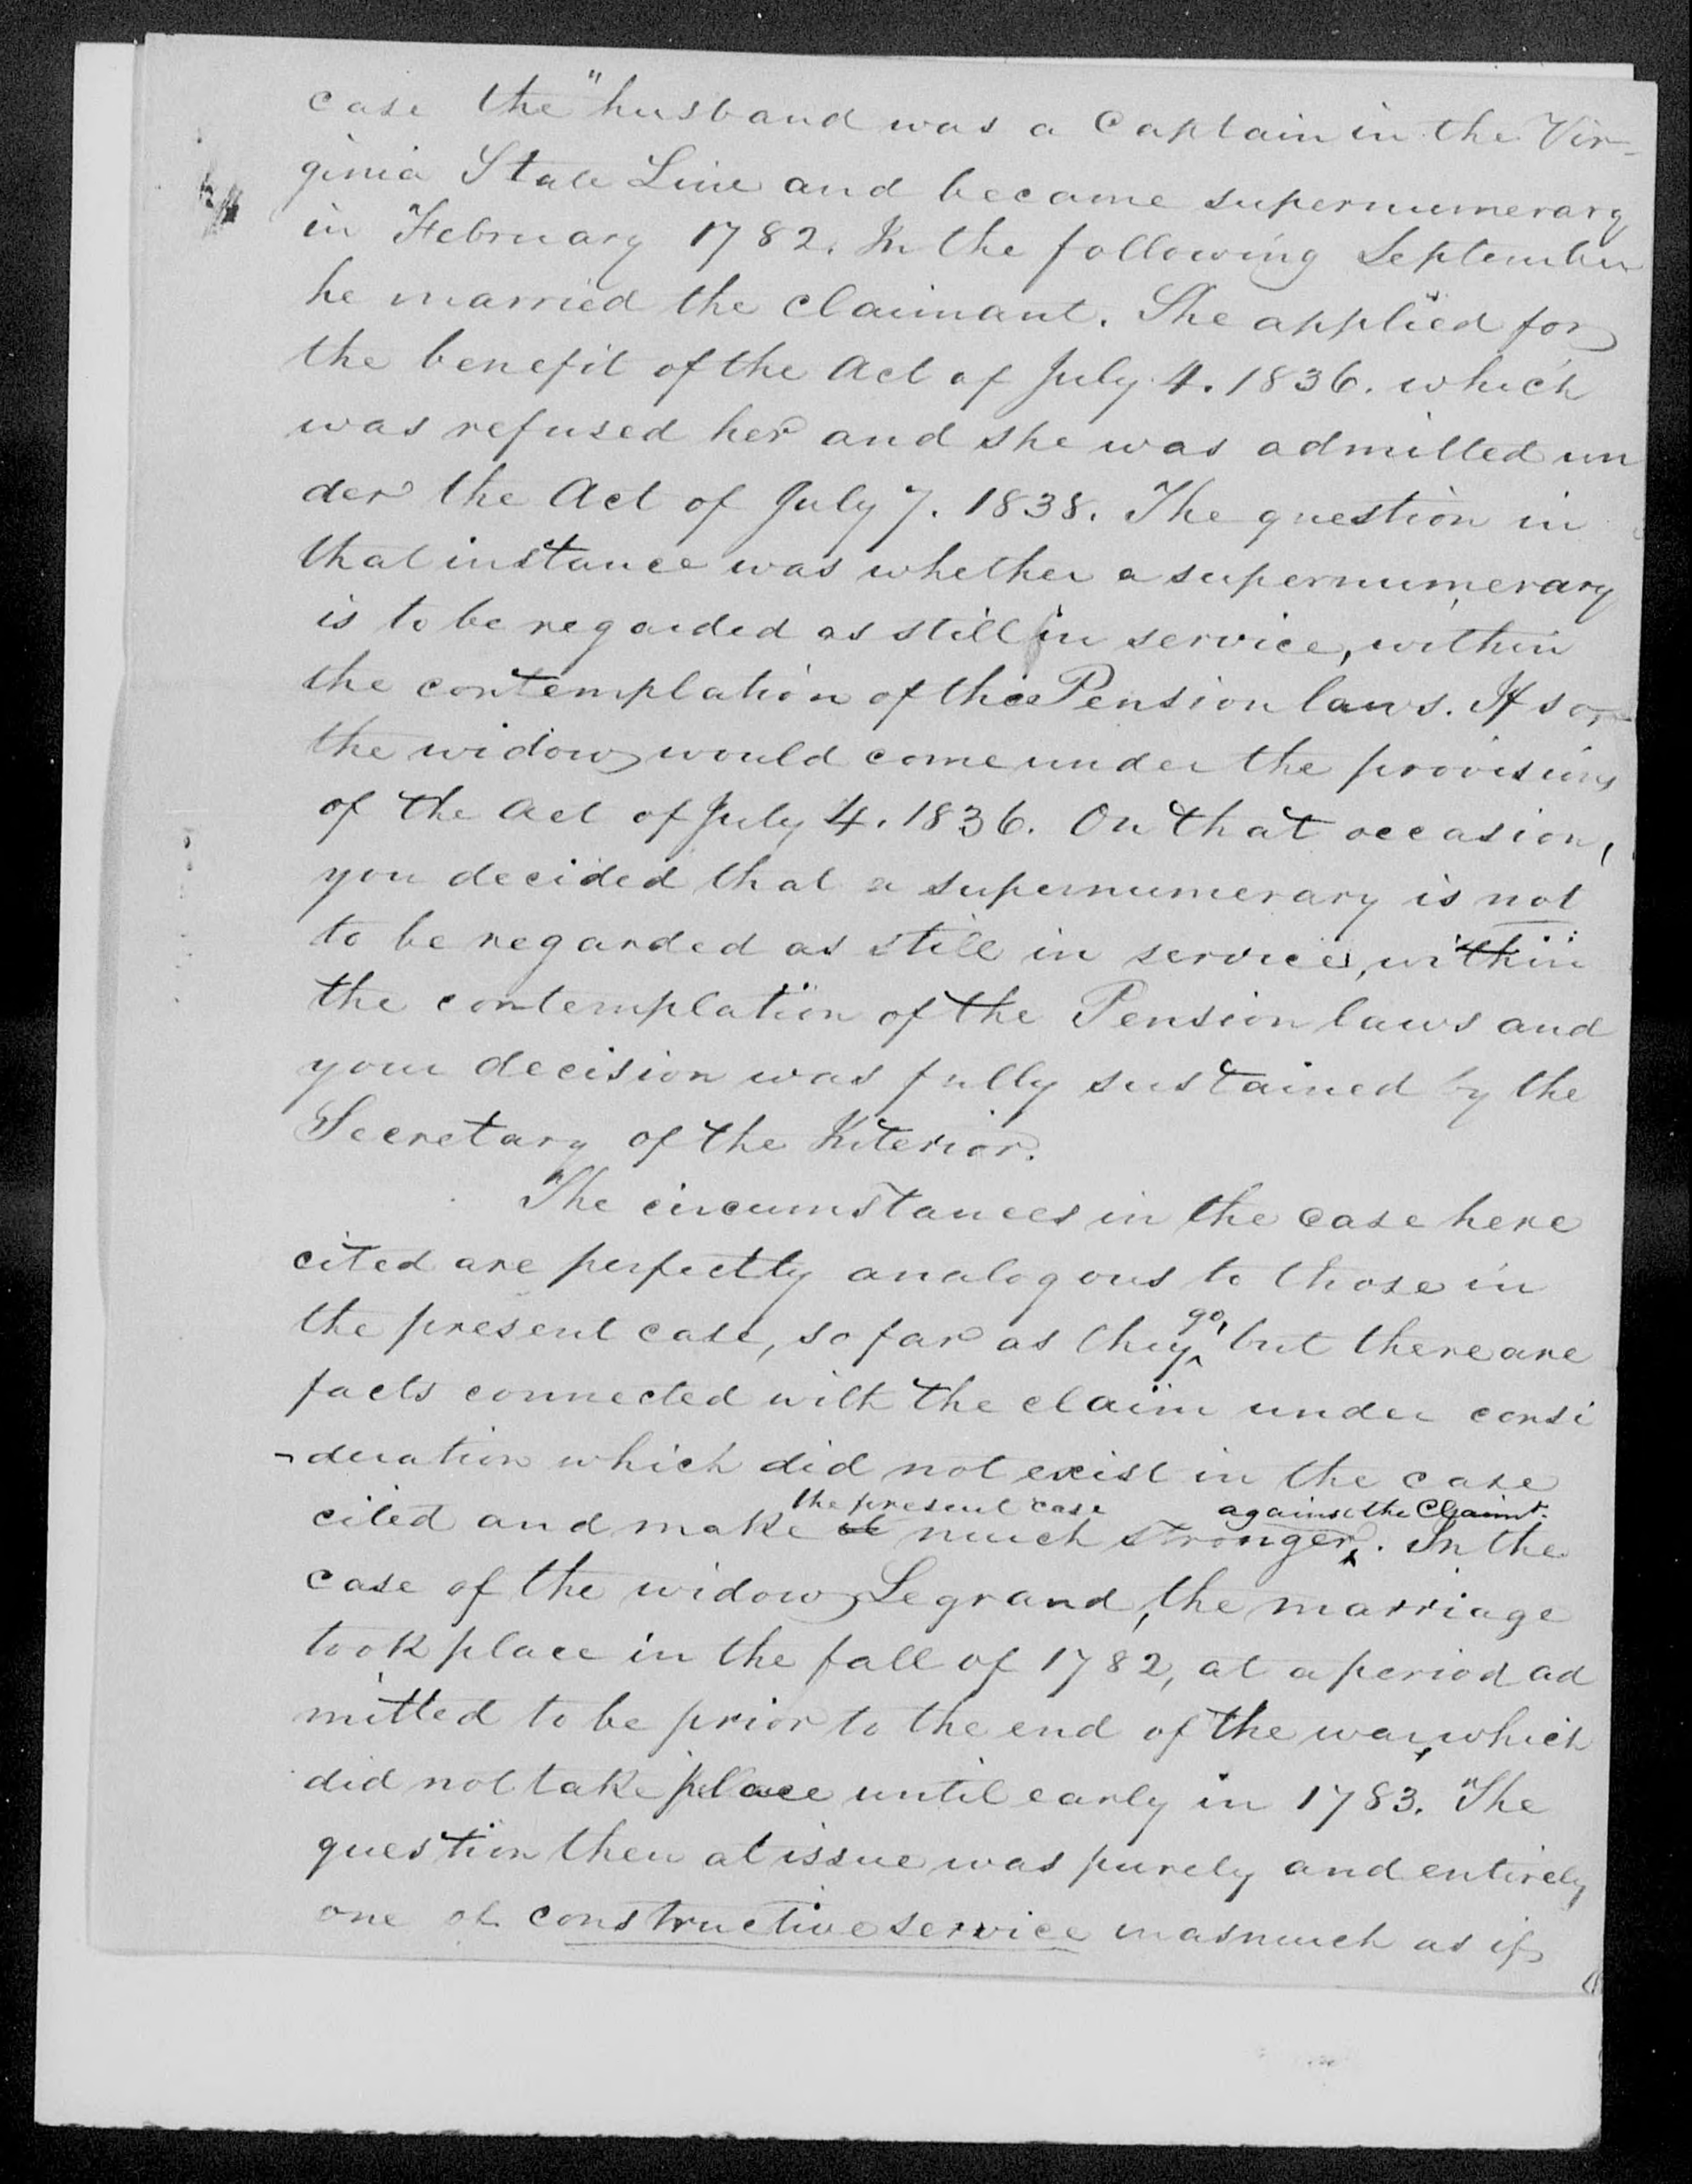case the "husband was a Captain in the Virginia State Line and became supernumerary in February 1782. In the following September he married the claimant. She applied for the benefit of the Act of July 4. 1836 which was refused her and she was admitted under the Act for July 7. 1838. The question in that instance was whether a supernumerary is to be regarded as still in service, within the contemplation of the Pension laws. If so the widow would come under the provisions of the Act of July 4. 1836. On that occasion, you decided that a supernumerary is not to be regarded as still in service, within the contemplation of the Pension laws and your decision was fully sustained by the Secretary of the Interior.
The circumstances in the case here cited was perfectly analogous to those in the present case, so far as they [insert] go [end insert] but there are facts connected with the claim under consideration which did not exist in the case cited and make [cross out] it [end cross out] [insert] the present case [end insert] much stronger [insert] against the claimant [end insert]. In the case of the widow , Legrand, the marriage took place in the fall of 1782, at a period admitted to be prior to the end of the war, which did not take place until early in 1783. The question then at issue was purely and entirely one of [begin underline] constructive service [end underline] in as much as if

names: Legrand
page: 84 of 267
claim: widow's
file: W. 4,149, William Campbell, Va.